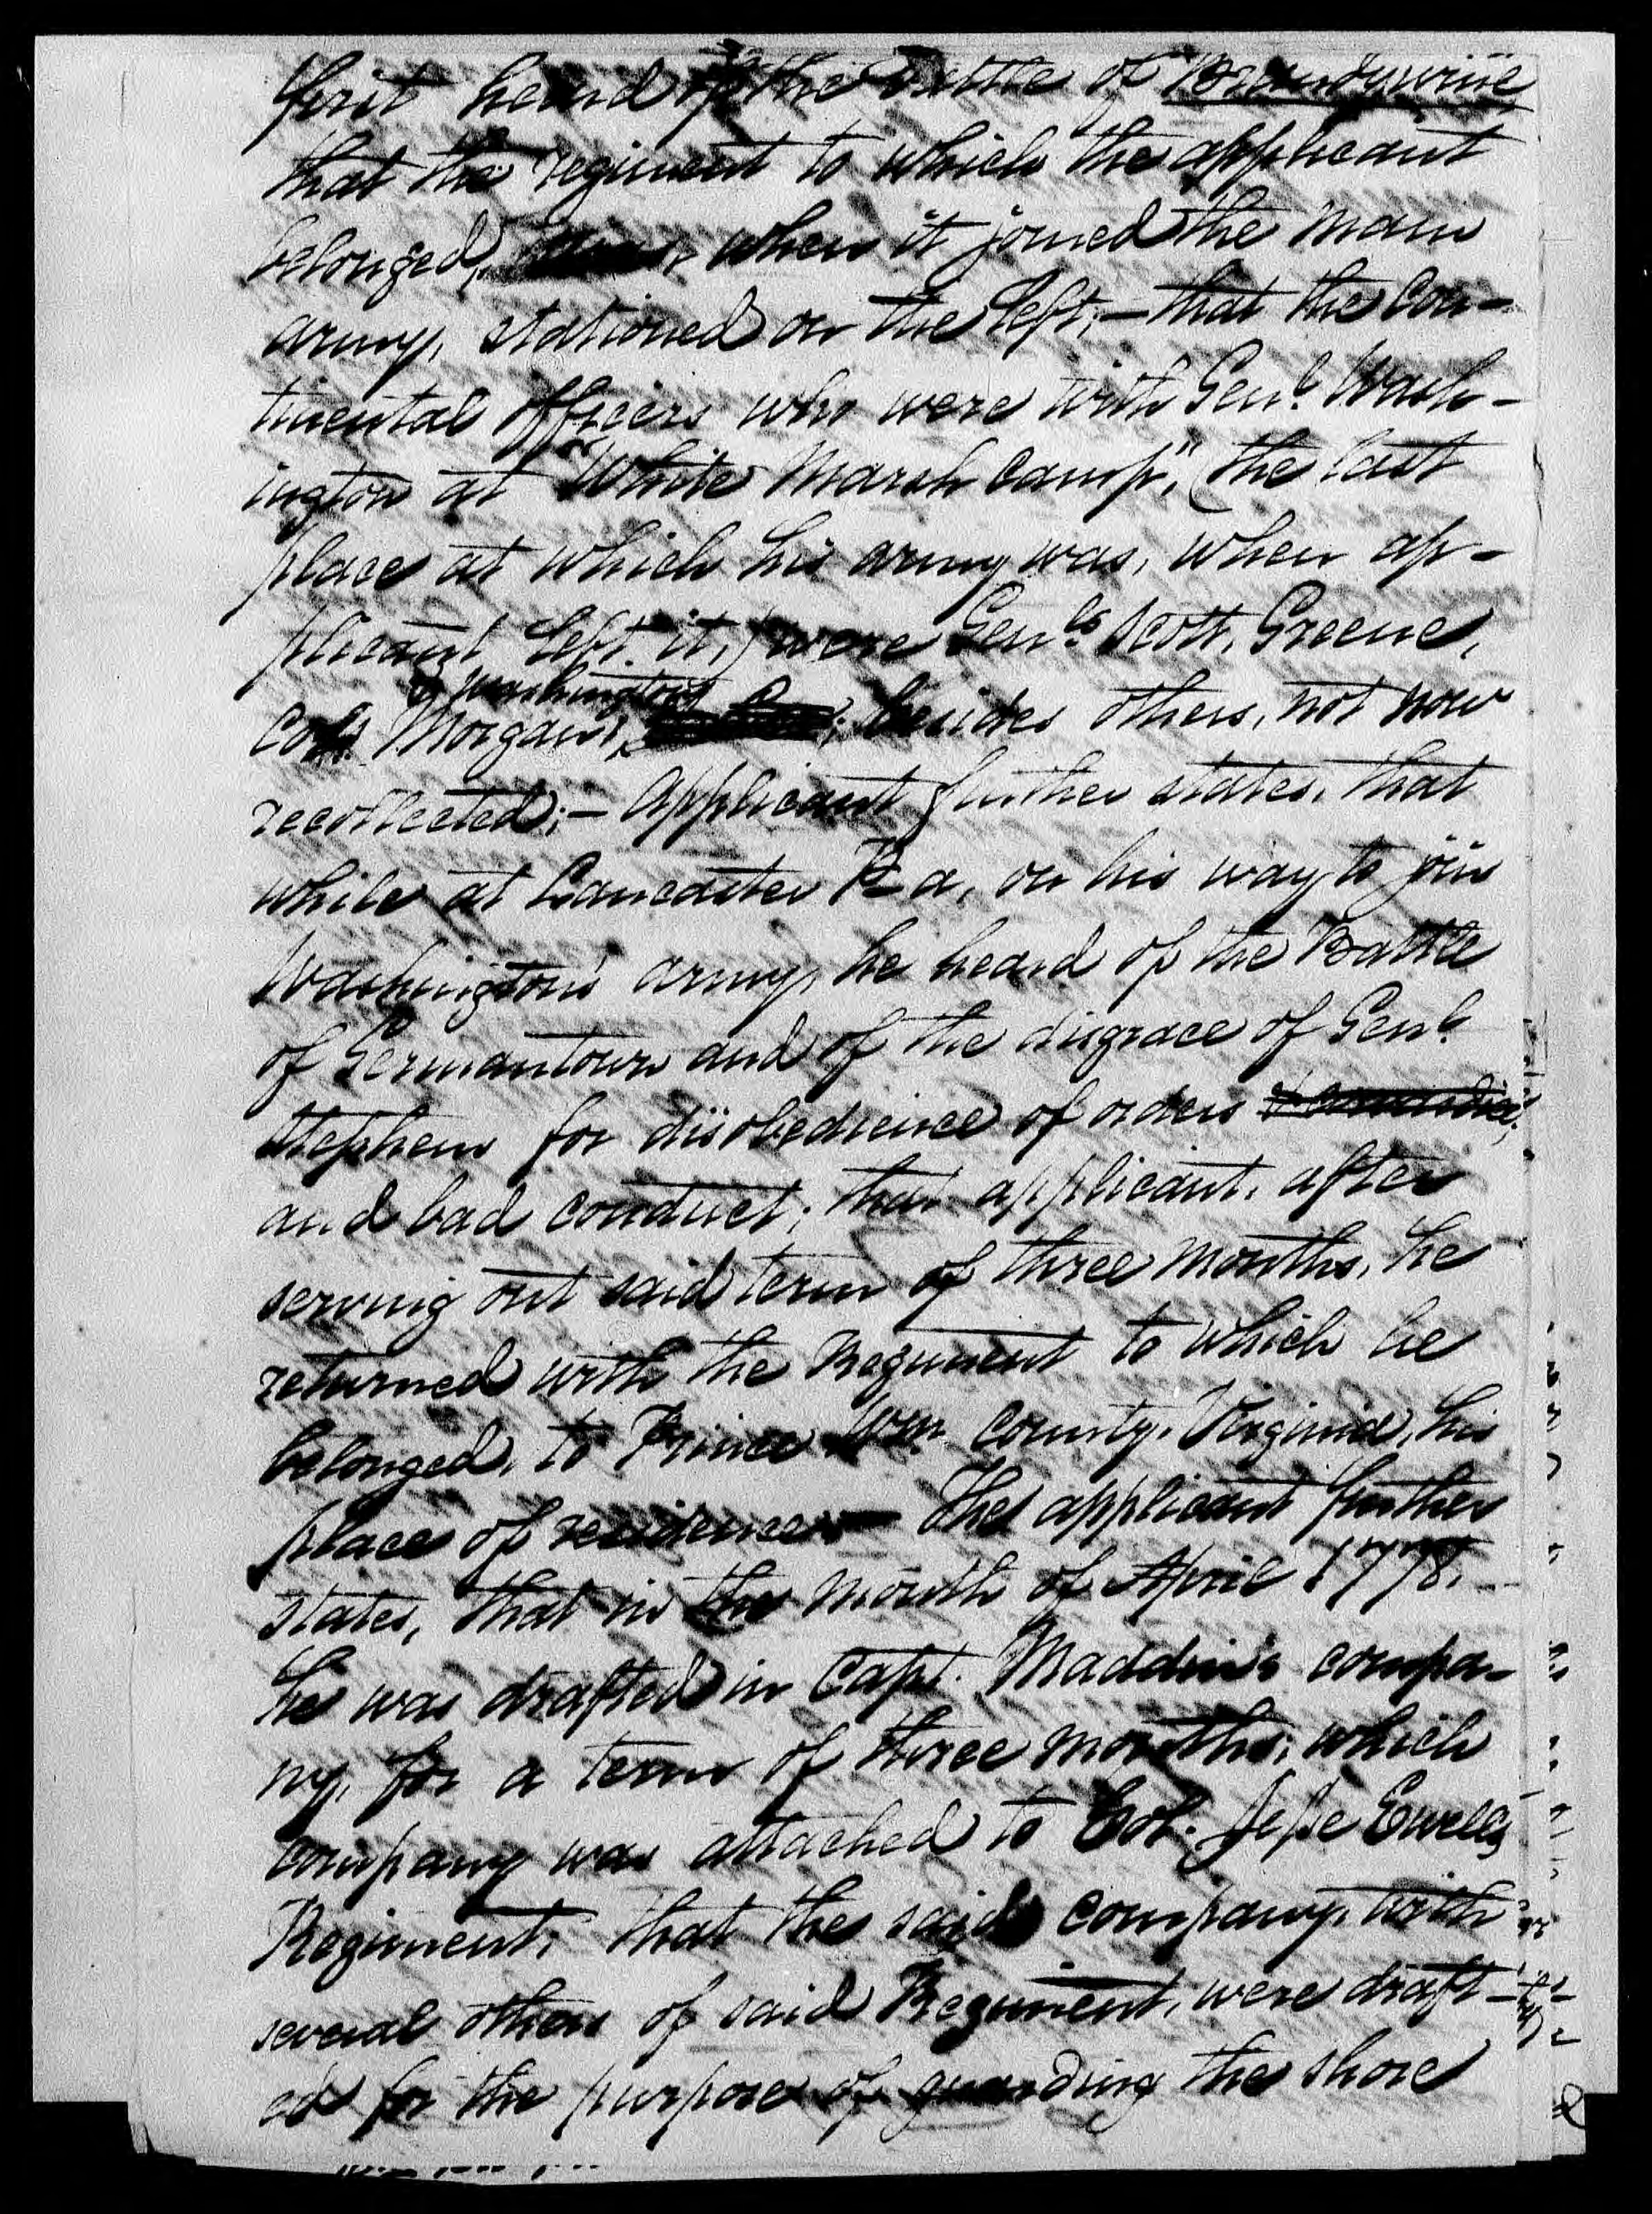[Declaration page 3]

first heard of the Battle of Brandywine [Battle of Brandywine, Pa 1777] that the regiment to which the applicant belonged when it joined the main army, stationed on the left;-

that the continental officers who were with Genl. [George] Washington at White Marsh camp [PA] (the last place at which his army was, when applicant left it were Genls. were [Charles] Scott, [Nathanael] Greene, Col. [Daniel] Morgan, [George] Washington beside others, not now recollected,

Applicant further states that while at Lancaster Pa. , on his way to join [General George] Washington's army he heard of the Battle of Germantown [Battle of Germantown,  PA 1777] and of the disgrace of Genl. [Adam] Stephens for disobedience of orders and bad conduct. That applicant after serving out said term of three months, he returned with the Regiment to which he belonged, to Prince Wm [William] County, Virginia his place of residence.

The applicant further states, that in the months of April 1778, he was drafted in Capt [Thomas] Maddin's company for a term of three months, which company was attached to Col. Jesse Ewell Regiment, that the said company with several others of said Regiments were drafted for the purpose of guarding the shore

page: 34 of 45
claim: widow's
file: W. 7984, for Gerrard King, Virginia